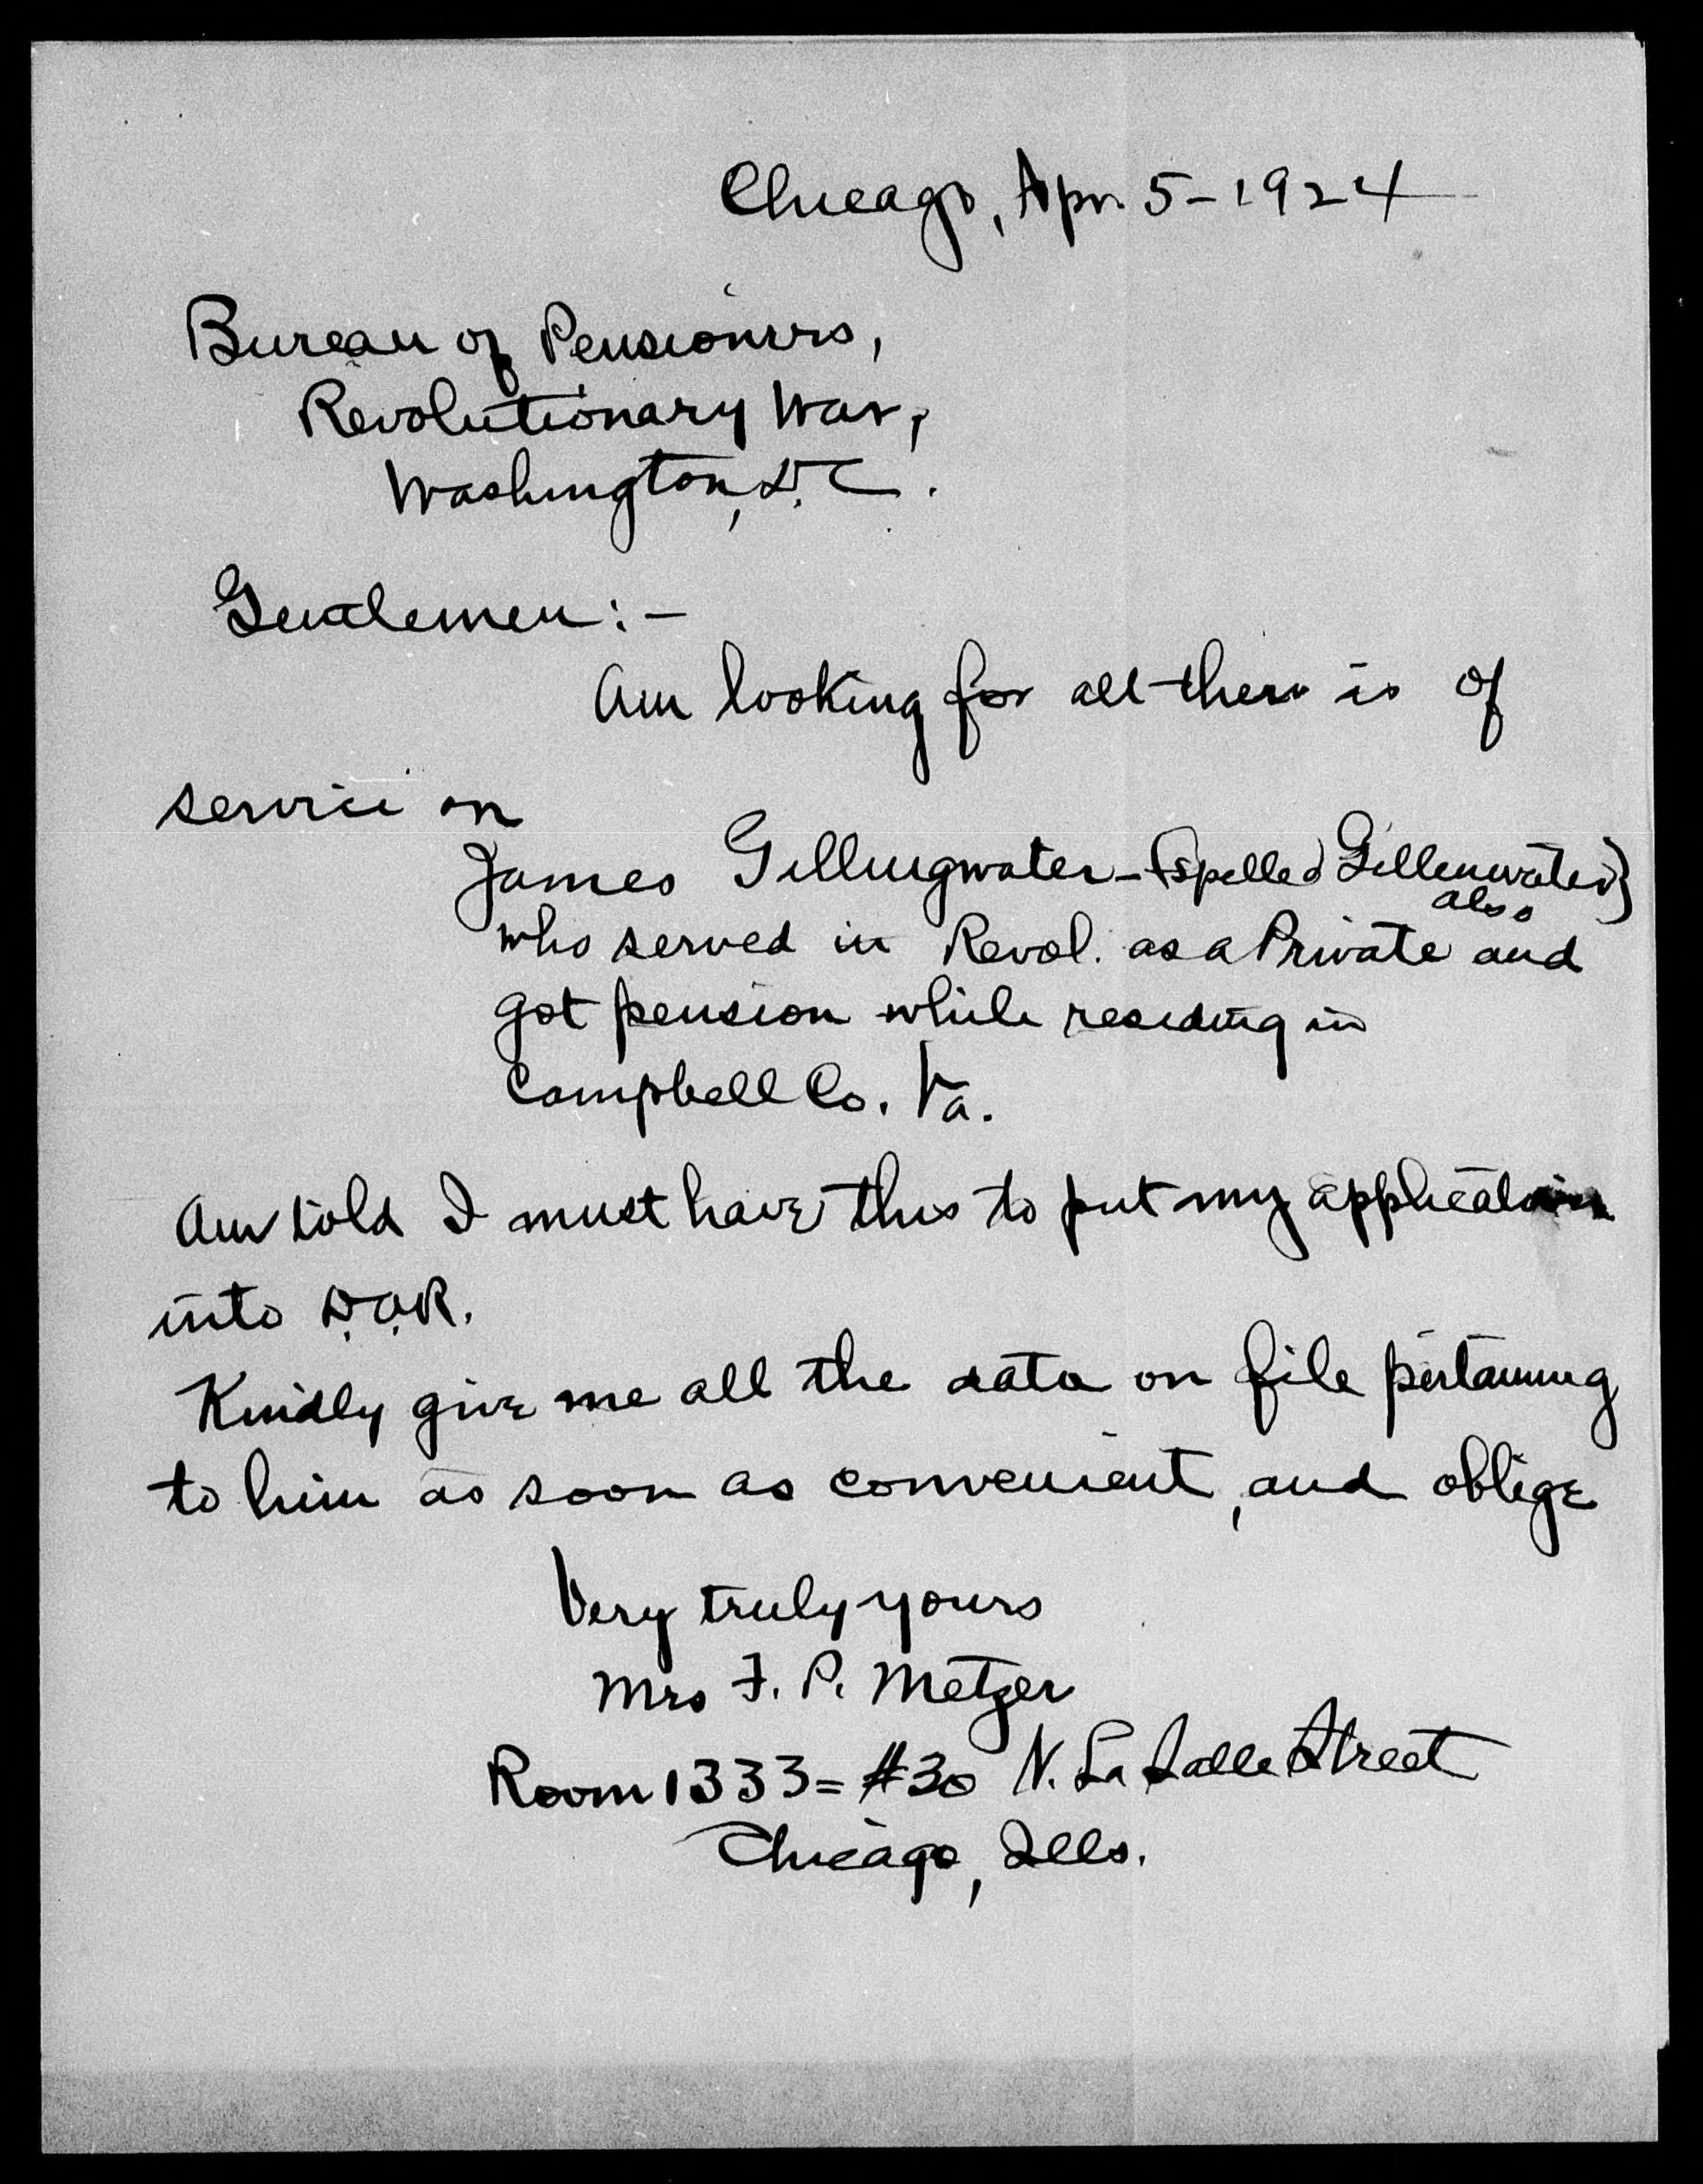Chicago, Apr. 5 - 1924
Bureau of Pensioners, 
Revolutionary War, 
Washington, D.C.

Gentlement:- Am looking for all there is of service on James Gillingwater (spelled Gillenwater also) who served in Revol. as a Private and got pension while residing in Campbell Co. Va. Am told I must have this to put my application into D.O.R. Kindly give me all the date on file pertaining to him as soon as convenient, and oblige 
Very truly yours Mrs. F.P. Metzer 
Room 1333 = #30 N. La Salle Street
Chicago, Ills.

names: F P Metzer, James Gillingwater, Gillingwater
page: 31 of 36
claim: survivor's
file: S. 39570, James Gillingwater, Va.